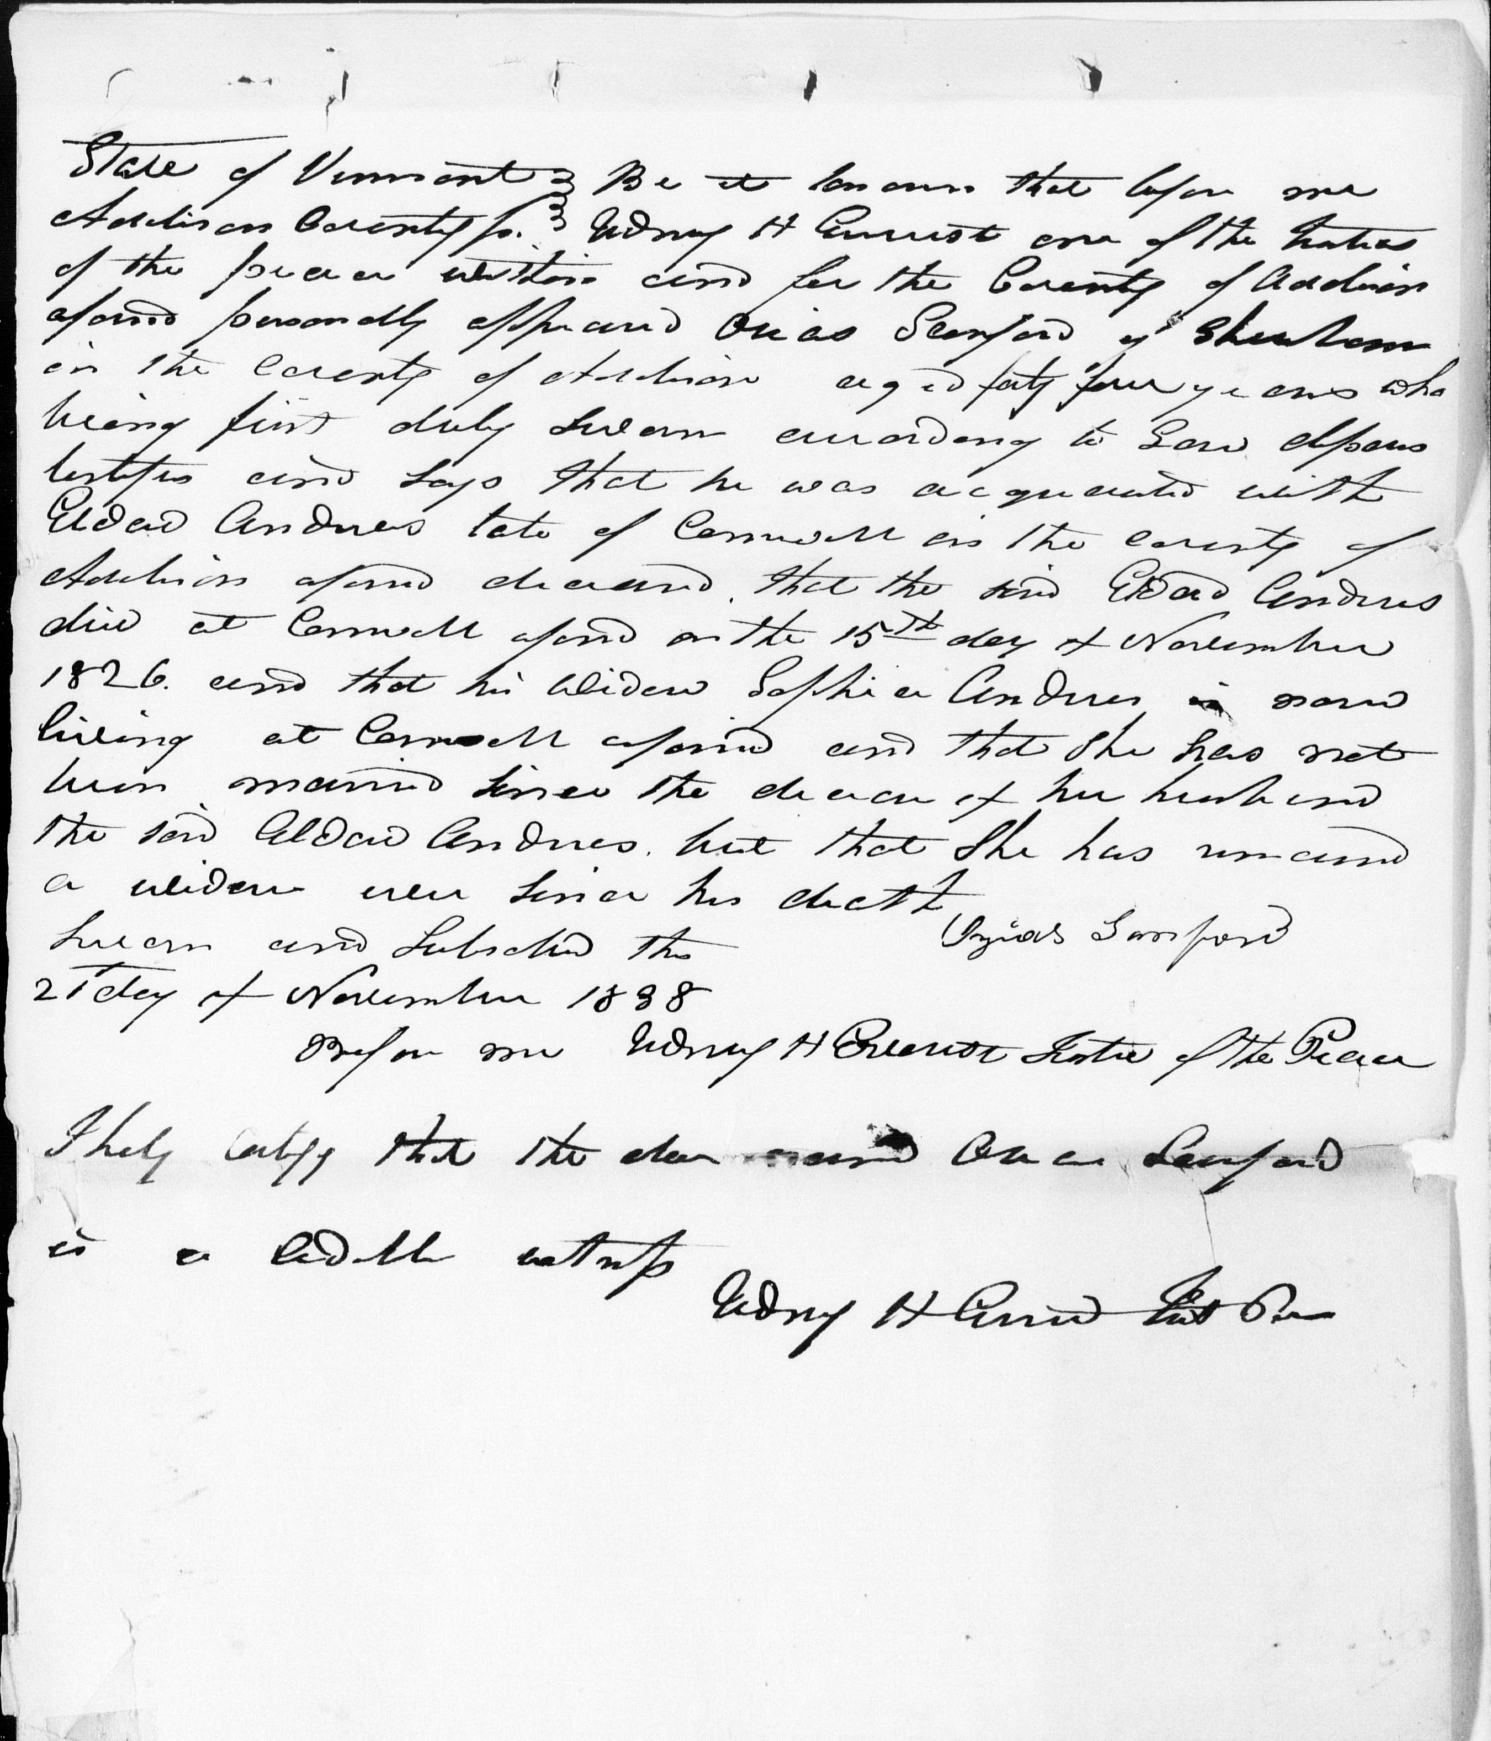State of Vermont⎬ 
Addison County ss}.

Be it known that before me Edny H. Everest one of the Justice of the peace in and for the County of Addison and personally appeared on as Stanford of Sherburn in the County of Addison aged forty four years who
being first duly sworn according to Law deposes certify and says that he was acquainted with
Eldad Andrews late of Cornwall as the County of
Addison aforesaid deceased, that the said Eldad Andrews died at Cornwall and on the 15th day of November 1826. and that his widow Sophia Andrews is now living at Cornwall aforesaid and that she has not been marriman since the death of her husband the said Elder Andrews, but that she has remained
a widow ever since his death
Sworn and subscribed this 21st day of November 1838
Before me Edny H. Everest, Justice of the Peace

They certify that the man Ana Lanford
is a credible witness. 
Edny H. Everest Justice of the Peace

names: Sophia Andrus, Eldad Andrus, Udny H Everst, Eldad Andrus, Eldad Andrws, Udney H Everest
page: 22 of 27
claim: rejected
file: R. 223, Eldad Andrus, Vt.